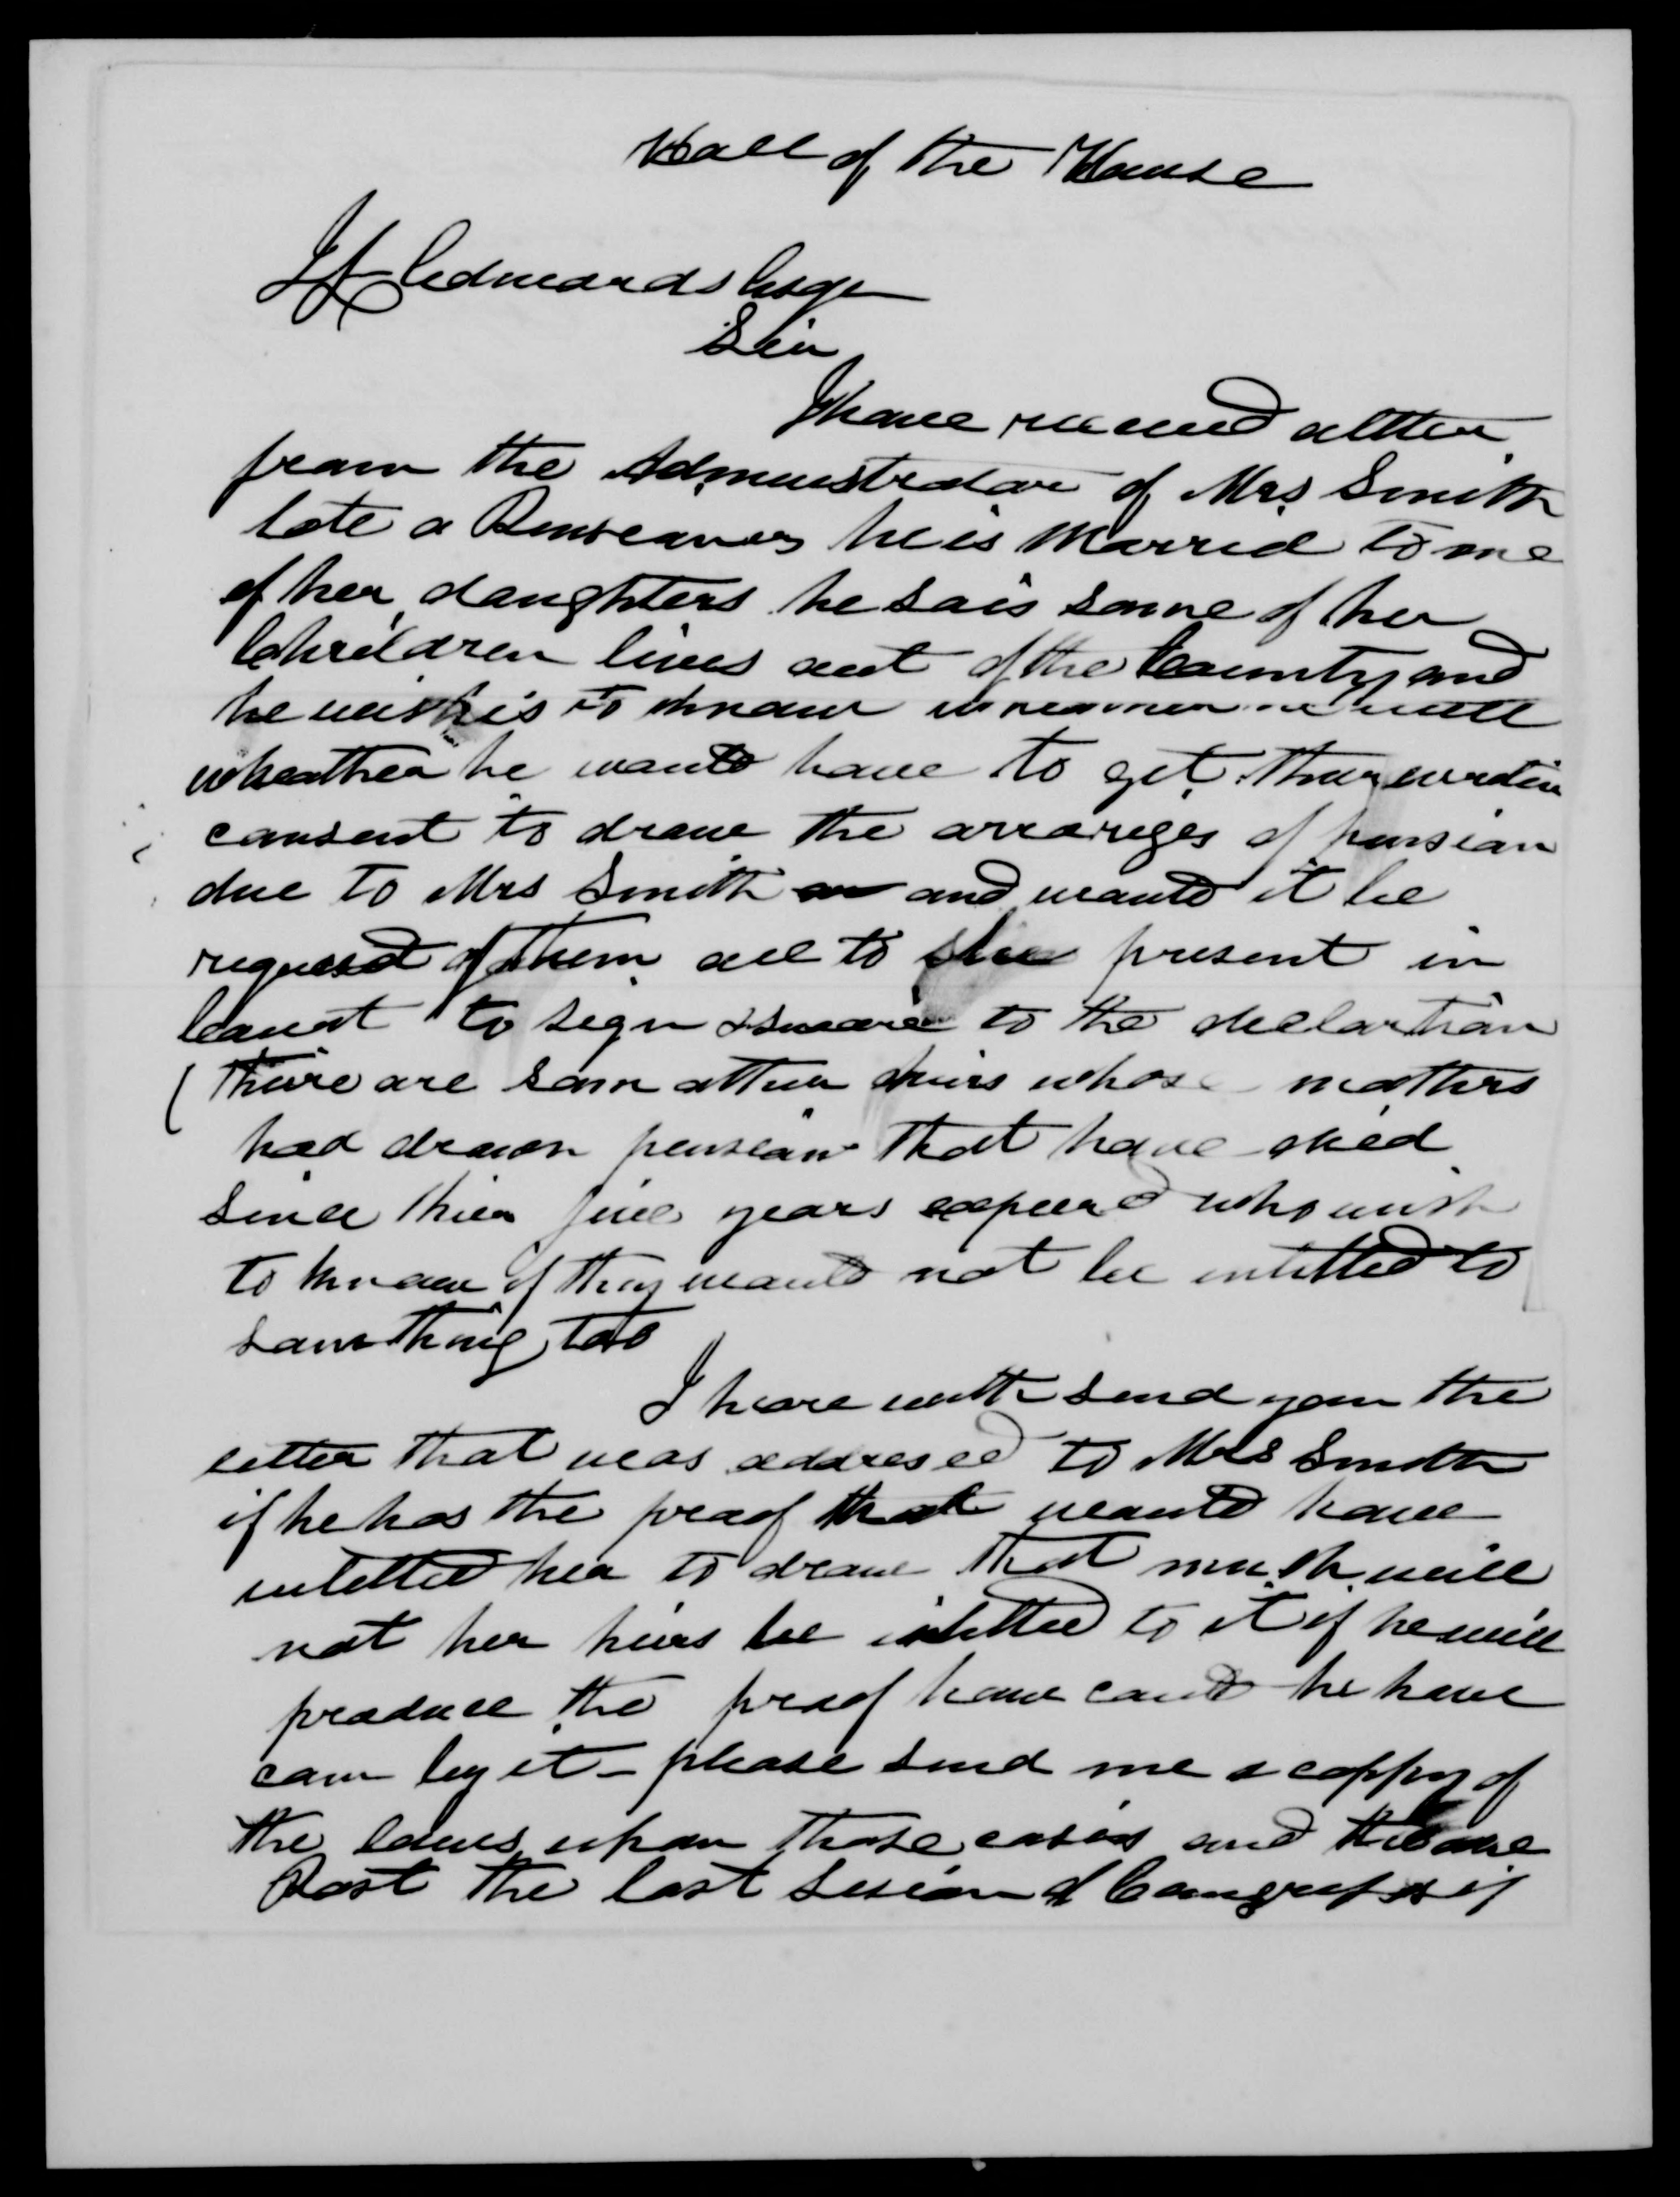Hall of the House
JL Edwards Esqr
Sir
I have received a letter from the Administrator of Mrs Smith late a Pensioner. he is married to one of her daughters he sais some of her children lives out of the County and he wished to know [illegible] whether he would have to get their evidence to draw the arrearage of pension due to Mrs Smith and would it be requested of them all to be present in Court to sign & swear to the declaration. There are some of them whose mothers had drawn pension that have died Since their five years expired who wish to know if they would not be entitled to the same thing too.
     I have within send you the letter that was addressed to Mrs Smith if he has the proof that would have entitled her to draw that much will  not her heirs be entitled to it if he will produce the proof how could he have come by it. Please send me a copy of the laws upon these cases and the one passed the last Session of Congress if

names: J L Edwards; [BLANK] Smith; [BLANK] Smith; [BLANK] Smith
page: 62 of 79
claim: widow's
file: W. 1504, for Robert Smith, North Carolina